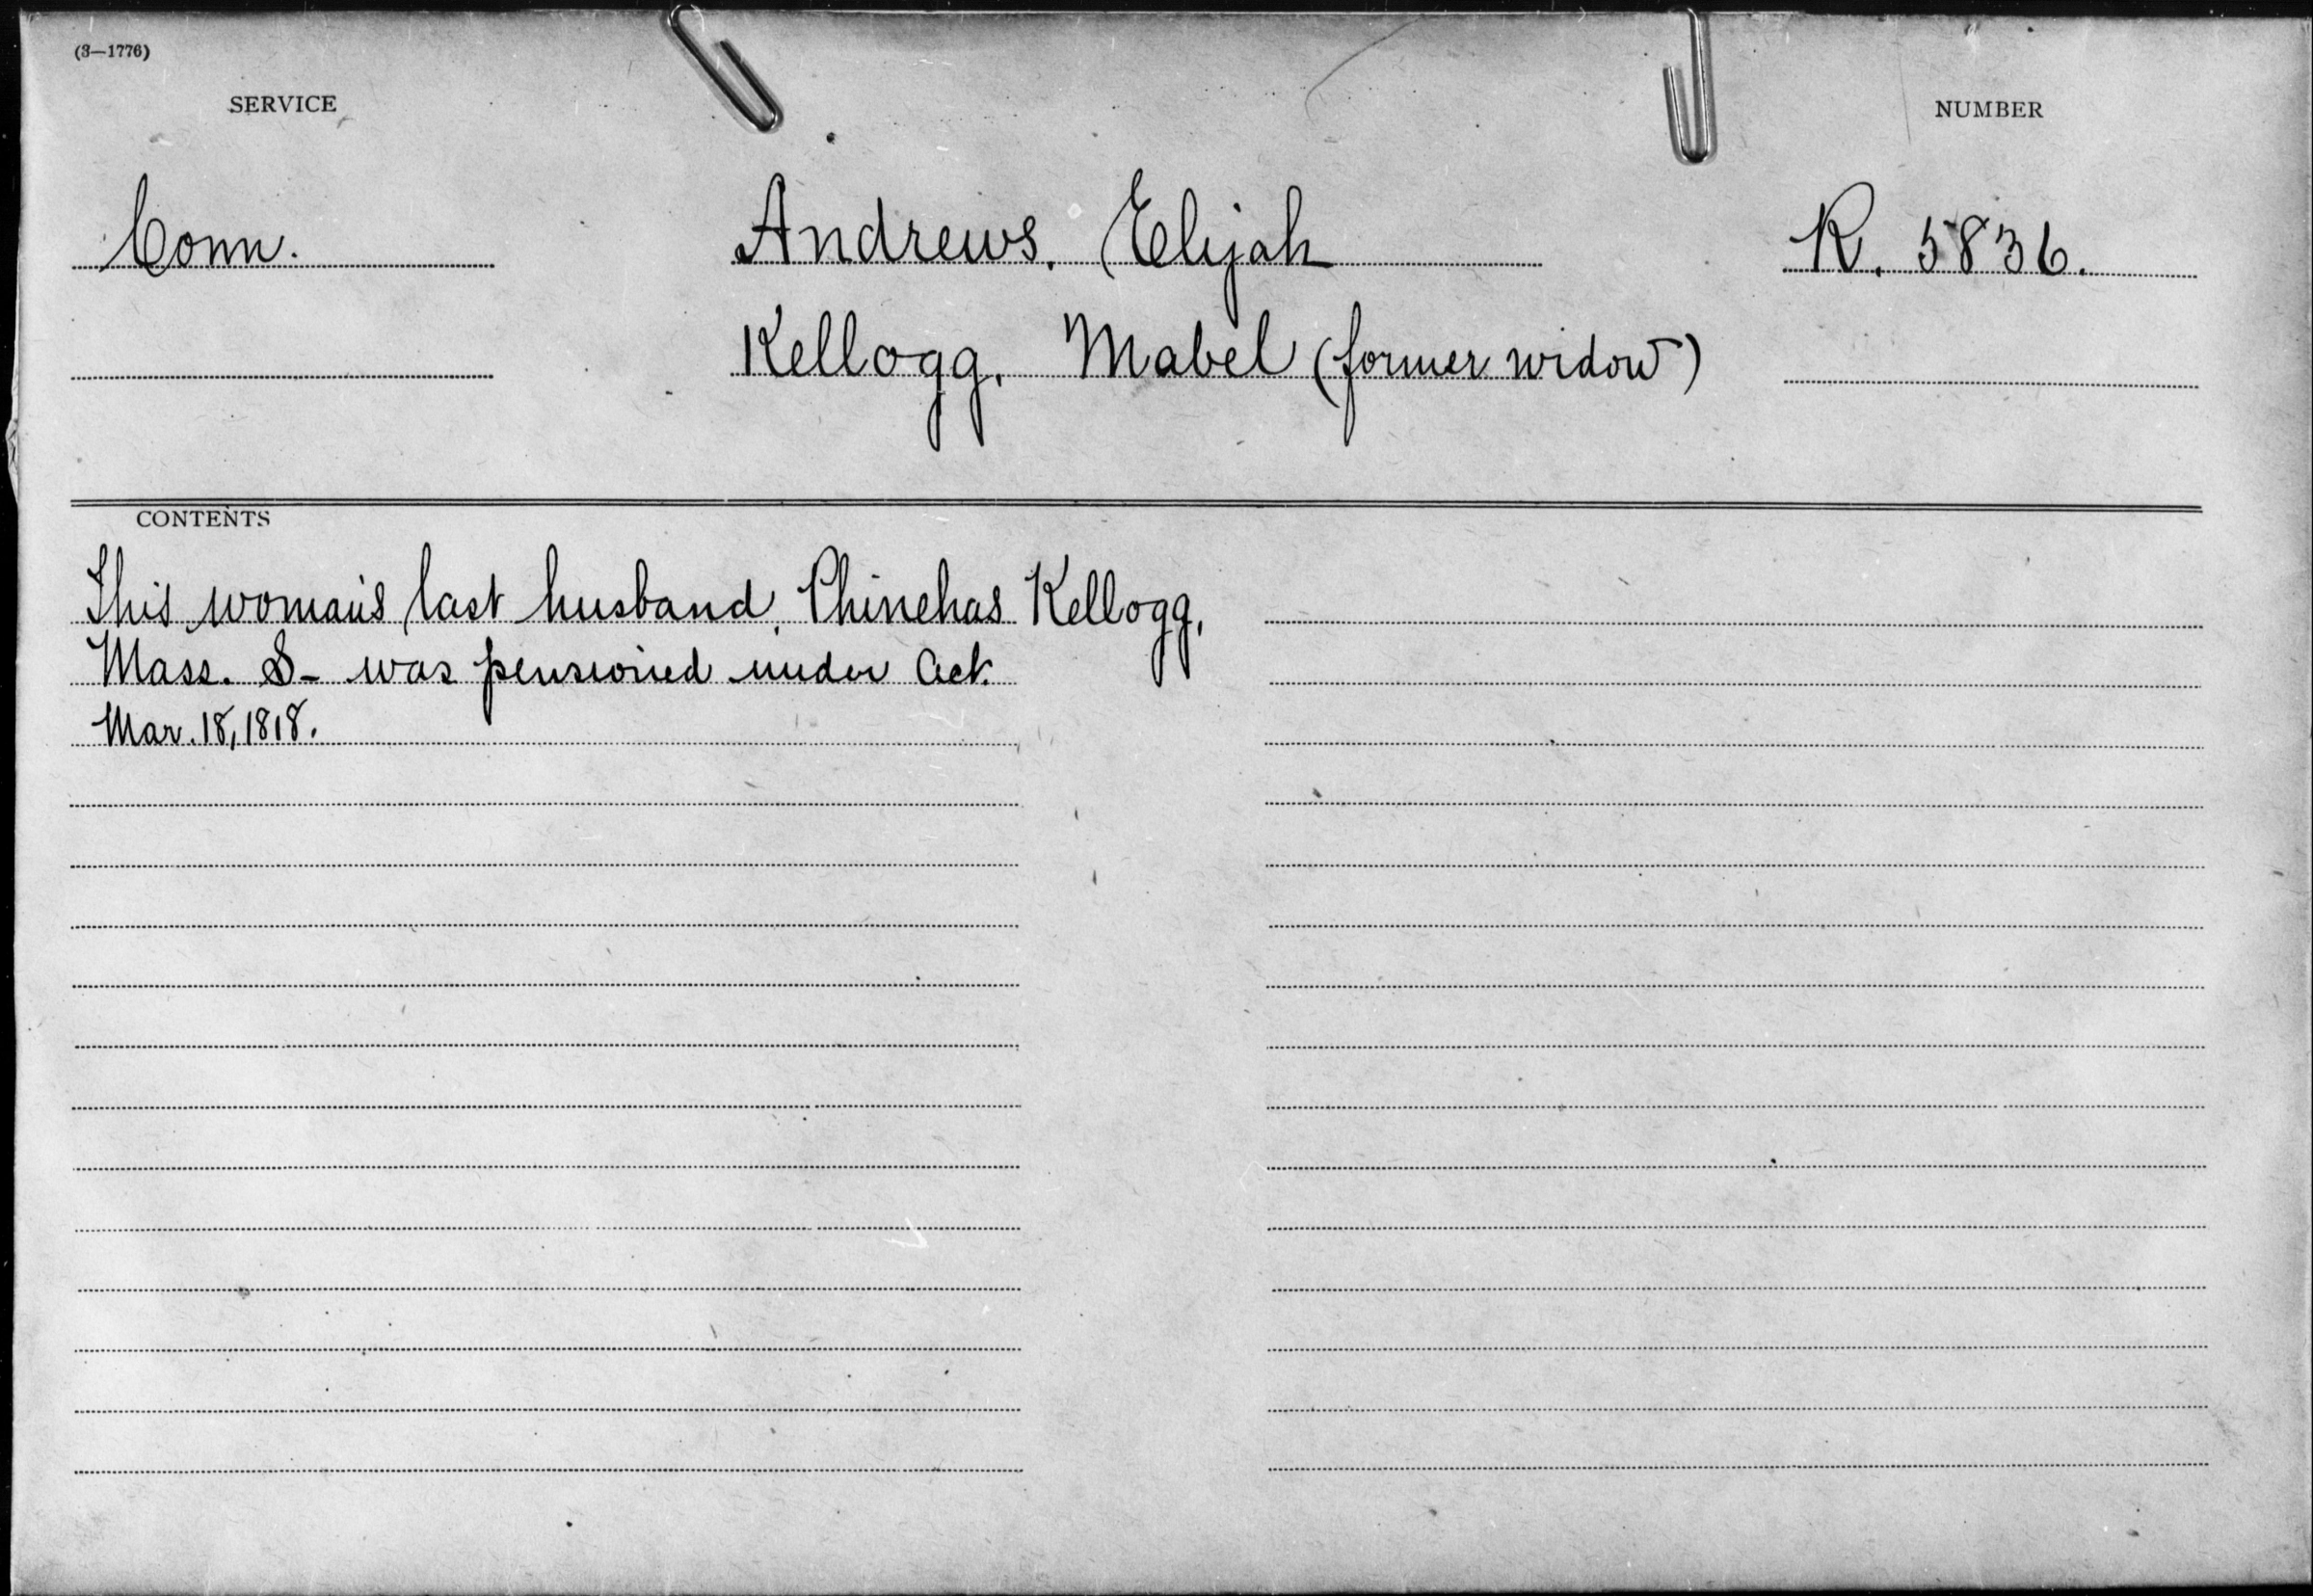(3 - 1776)
SERVICE    NUMBER
Conn         R. 5836.
Andrews, (Elijah
Kellogg, Mabel (former widow)
CONTENTS
This woman's last husband, Phinehas Kellogg, Mass. S - was pensioned under act. Mar. 18, 1818.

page: 1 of 19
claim: rejected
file: R. 5836, Elijah Andrews, Conn.